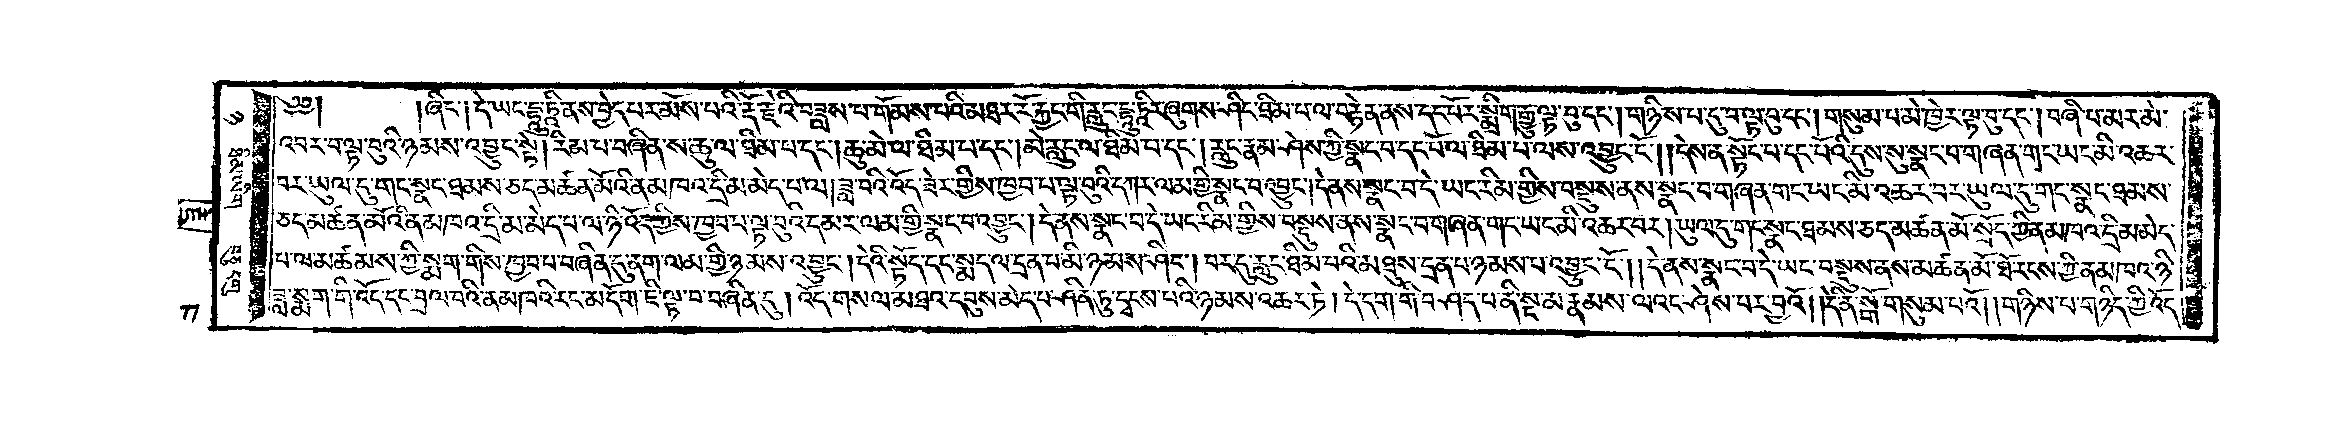༄༅། །ཞིང་། དེ་ཡང་དྷཱུ་ཏཱི་ནས་བྱེད་པར་མོས་པའི་རྡོ་རྗེའི་བཟླས་པ་གོམས་པའི་མཐར་རོ་རྐྱང་གི་རླུང་དྷཱུ་ཏཱིར་ཞུགས་ཤིང་ཐིམ་པ་ལ་བརྟེན་ནས་དང་པོར་སྨྲིག་རྒྱུ་ལྟ་བུ་དང་། གཉིས་པ་དུ་བ་ལྟ་བུ་དང་། གསུམ་པ་མེ་ཁྱེར་ལྟ་བུ་དང་། བཞི་པ་མར་མེ་
འབར་བ་ལྟ་བུའི་ཉམས་འབྱུང་སྟེ། རིམ་པ་བཞིན་ས་ཆུ་ལ་ཐིམ་པ་དང་། ཆུ་མེ་ལ་ཐིམ་པ་དང་། མེ་རླུང་ལ་ཐིམ་པ་དང་། རླུང་རྣམ་ཤེས་ཀྱི་སྣང་བ་དང་པོ་ལ་ཐིམ་པ་ལས་འབྱུང་ངོ། །དེས་ན་སྟོང་པ་དང་པོའི་དུས་སུ་སྣང་བ་གཞན་གང་ཡང་མི་འཆར་
བར་ཡུལ་དུ་གང་སྣང་ཐམས་ཅད་མཚན་མོའི་ནམ་མཁའ་དྲི་མ་མེད་པ་ལ། ཟླ་བའི་འོད་ཟེར་གྱིས་ཁྱབ་པ་ལྟ་བུའི་དཀར་ལམ་གྱི་སྣང་བ་འབྱུང་། དེ་ནས་སྣང་བ་དེ་ཡང་རིམ་གྱིས་བསྡུས་ནས་སྣང་བ་གཞན་གང་ཡང་མི་འཆར་བར་ཡུལ་དུ་གང་སྣང་ཐམས་
ཅད་མཚན་མོའི་ནམ་མཁའ་དྲི་མ་མེད་པ་ལ་ཉི་འོད་ཀྱིས་ཁྱབ་པ་ལྟ་བུའི་དམར་ལམ་གྱི་སྣང་བ་འབྱུང་། དེ་ནས་སྣང་བ་དེ་ཡང་རིམ་གྱིས་བསྡུས་ནས་སྣང་བ་གཞན་གང་ཡང་མི་འཆར་བར། ཡུལ་དུ་གང་སྣང་ཐམས་ཅད་མཚན་མོ་སྲོད་ཀྱི་ནམ་མཁའ་དྲི་མ་མེད་
པ་ལ་མཚམས་ཀྱི་སྨག་གིས་ཁྱབ་པ་བཞིན་དུ་ནག་ལམ་གྱི་ཉམས་འབྱུང་། དེའི་སྟོད་དང་སྨད་ལ་དྲན་པ་མི་ཉམས་ཤིང་། བར་དུ་རླུང་ཐིམ་པའི་མཐུས་དྲན་པ་ཉམས་པ་འབྱུང་ངོ། །དེ་ནས་སྣང་བ་དེ་ཡང་བསྡུས་ནས་མཚན་མོ་ཐོ་རངས་ཀྱི་ནམ་མཁའ་ཉི་
ཟླ་སྨག་གི་འོད་དང་བྲལ་བའི་ནམ་མཁའི་རང་མདོག་ཇི་ལྟ་བ་བཞིན་དུ། འོད་གསལ་མཐའ་དབུས་མེད་པ་ཤིན་ཏུ་དྭངས་པའི་ཉམས་འཆར་ཏེ། དེ་དག་གི་བཤད་པ་ནི་སྔ་མ་རྣམས་ལའང་ཤེས་པར་བྱའོ། །དེ་ནི་སྒོ་གསུམ་པའོ། །གཉིས་པ་གཉིད་ཀྱི་འོད་